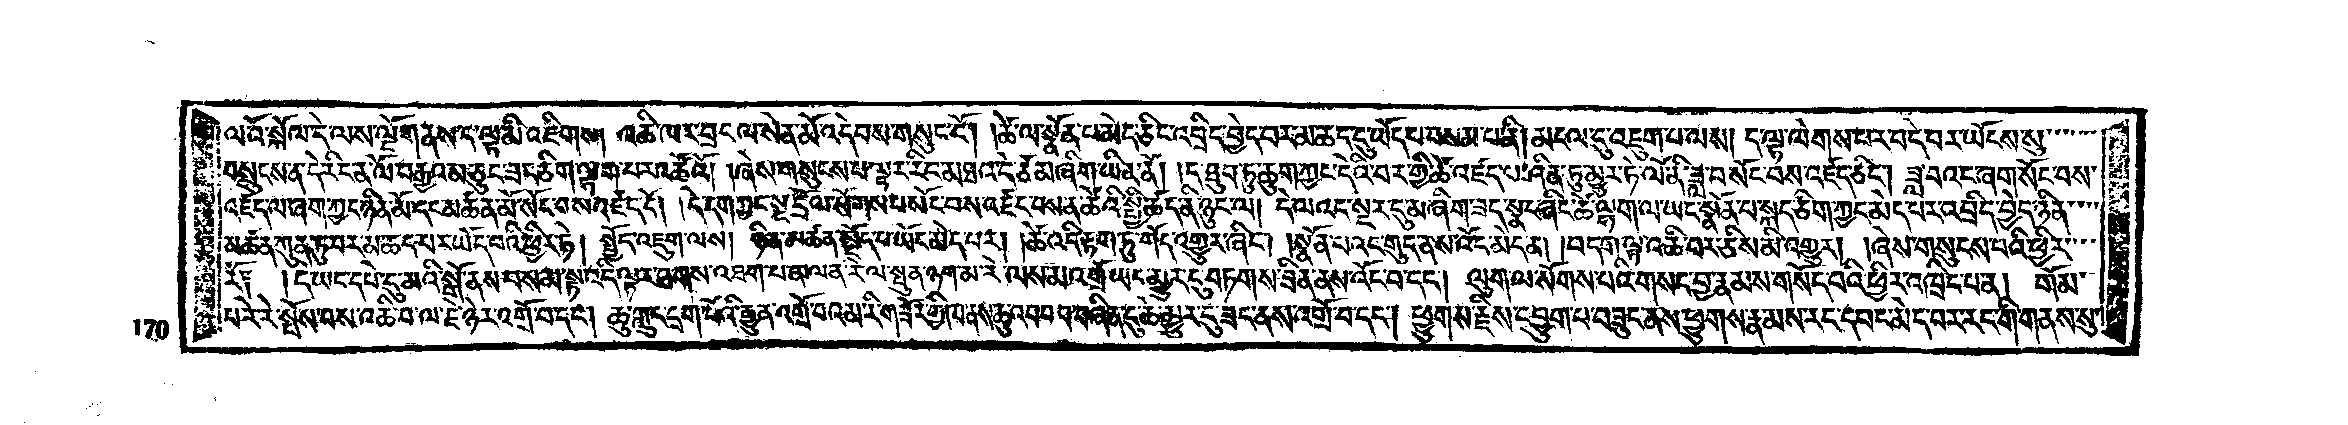ལའོ་?་སྐོལ་དེ་ལས་ལྡོག་ནས་ད་ལྟ་མི་འཇིགས། འཆི་ཁར་བྲང་ལ་སེན་མོ་འདེབས་གསུངས་ངོ། །ཚེ་ལ་སྣོན་པ་མེད་ཅིང་འབྲིང་བྱེད་པར་མ་ཆད་དུ་ཡོད་པ་བསམ་པ་ནི། མངལ་དུ་འཇུག་པ་ལས། ད་ལྟ་ལེགས་པར་བདེ་བར་ཡོངས་སུ་
བསྲུངས་ན་དེ་རིང་ན་ལོ་བརྒྱའམ་ཅུང་ཟད་ཅིག་ལྷག་པར་འཚོའོ། །ཞེས་གསུངས་པ་ལྟར་རིང་མཐའ་དེ་ཙམ་ཞིག་ཡིན་ནོ། །དེ་ཐུབ་ཏུ་ཆུག་ཀྱང་དེའི་བར་གྱི་ཚེ་འཛད་པ་ཤིན་ཏུ་མྱུར་ཏེ་ལོ་ནི་ཟླ་བ་སོང་བས་འཛད་ཅིང་། ཟླ་བའང་ཞག་སོང་བས་
འཛད་ལ་ཞག་ཀྱང་ཉིན་མོ་དང་མཚན་མོ་སོང་བས་འཛད་དོ། །དེ་དག་ཀྱང་སྔ་དྲོ་ལ་སོགས་པ་སོང་བས་འཛད་པས་ན་ཚེའི་སྤྱི་ཚད་ནི་ཉུང་ལ། དེ་ལའང་སྔར་དུ་མ་ཞིག་ཟད་སྣང་ཞིག་ཚེ་ལྷག་ལ་ཡང་སྣོན་པ་སྐད་ཅིག་ཀྱང་མེད་པར་འབྲིད་བྱེད་ཉིན་
མཚན་ཀུན་ཏུ་བར་མ་ཆད་པར་ཡོད་པའི་ཕྱིར་ཏེ། སྤྱོད་འཇུག་ལས། ཉིན་མཚན་སྡོད་པ་ཡོད་མེད་པར། །ཚེ་འདི་རྟག་ཏུ་གོད་འགྱུར་ཞིང་། །སྣོན་པའང་གུད་ནས་འོང་མེད་ན། །བདག་ལྟ་འཆི་བར་ཅིས་མི་འགྱུར། །ཞེས་གསུངས་པའི་ཕྱིར་
རོ༑ །དེ་ཡང་དཔེ་དུ་མའི་སྒོ་ནས་བསམ་སྟེ་འདི་ལྟར་ཐགས་འཐག་པ་ན་ལན་རེ་ལ་སྤུན་ཉག་མ་རེ་ལས་མི་འགྲོ་ཡང་མྱུར་དུ་བཏགས་ཟིན་ནས་འོང་བ་དང་། ལུག་ལ་སོགས་པའི་གསད་བྱ་རྣམས་གསོད་པའི་ཕྱིར་འཁྲིད་པ་ན། གོམ་
པ་རེ་རེ་སྤོས་པས་འཆི་བ་ལ་ཇེ་ཉེར་འགྲོ་བ་དང་། ཆུ་ཀླུང་དྲག་པོའི་རྒྱུན་འགྲོ་བའམ་རི་གཟར་གྱི་ཁ་ནས་ཆུ་འབབ་བ་བཞིན་དུ་ཆེ་མྱུར་དུ་ཟད་ནས་འགྲོ་བ་དང་། ཕྱུགས་རྗིས་དབྱུག་པ་བཟུང་ནས་ཕྱུགས་རྣམས་རང་དབང་མེད་པར་རང་གི་གནས་སུ་